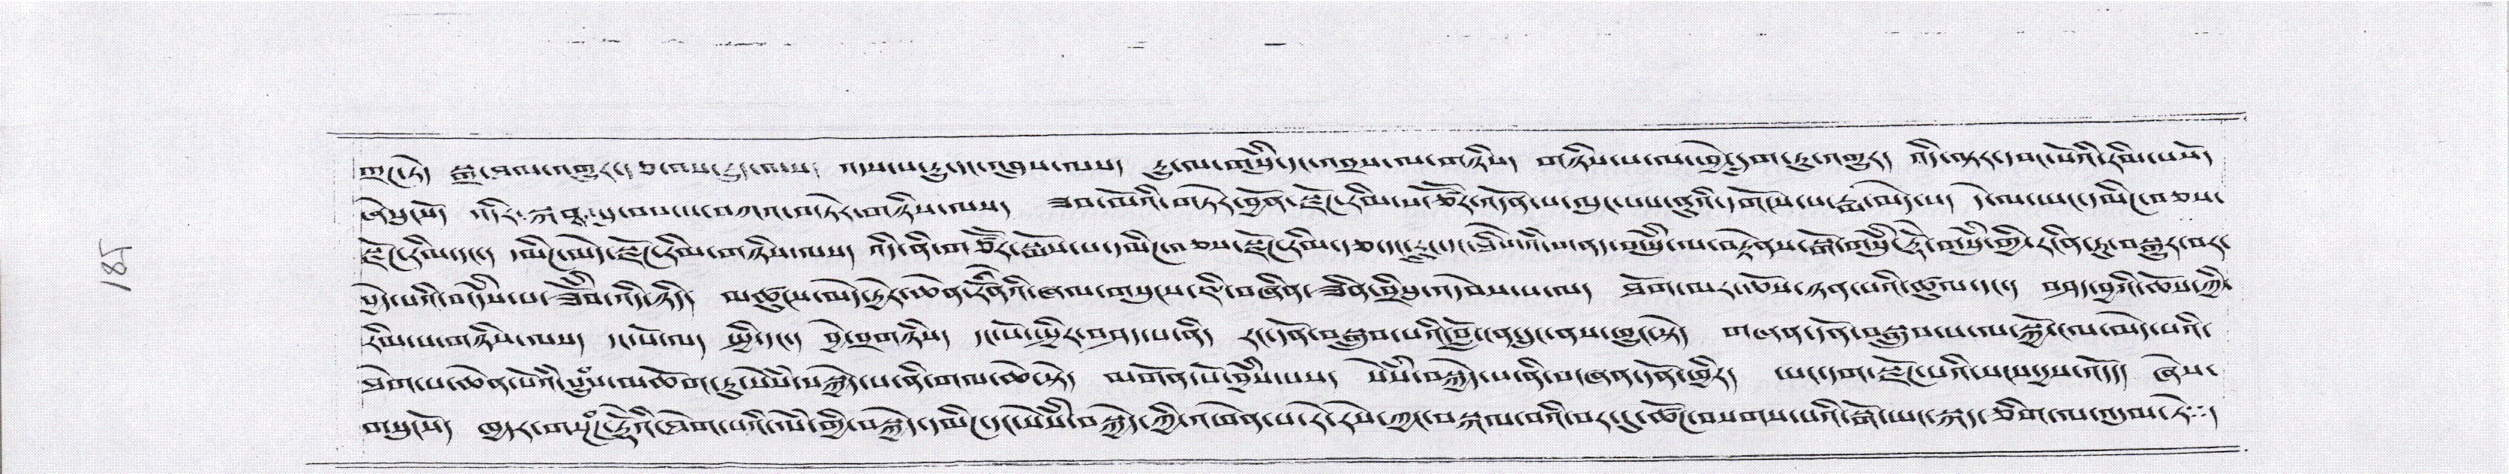གྲགས་ཏེ། སྒྲ་ཐལ་འགྱུར་རྩ་བའི་རྒྱུད་ལས། འདས་པ་རྒྱུ་དང་འབྲས་བུ་ལས། །རྒྱུ་ལ་གསུམ་དང་འབྲས་ལ་གཉིས། །གཉིས་པ་ལ་ཕྱེ་དྲུག་ཏུ་འགྱུར། །འདི་ལྟར་དབང་པོའི་རིམ་པའོ། །
ཞེས་གསུངས་སོ། འདིར་སྐབས་སུ་བབས་པ་བཀའ་གཏེར་གཉིས་ལས། ཟབ་མོའི་གཏེར་བྱོན་རྫོགས་རིམ་གཙོ་བོར་འདོན་པ་ལུང་ཨ་ནུའི་དགོངས་པ་རྨ་མེད་པ། དེ་ལ་ཡང་དམིགས་བཅས་
རྫོགས་རིམ་དང་། དམིགས་མེད་རྫོགས་རིམ་གཉིས་ལས། འདི་ནི་གཙོ་བོར་སྨོས་པ་དམིགས་བཅས་རྫོགས་རིམ་རྩ་དང་རླུང་དང་ཐིག་ལེའི་གནད་གསུམ་ལ་བརྟེན་ནས་སྒོ་གསུམ་རྡོ་རྗེ་གསུམ་གྱི་རང་བཞིན་དུ་སྒྱུར་བར་
བྱེད་པའི་གདམས་པ་ཟབ་མོ་འདི་ཉིད། མཚུངས་མེད་གཏེར་ཆེན་རིན་པོ་ཆེའི་ཞལ་གསུང་ཇི་བཞིན་ཟིན་བྲིས་སུ་འདེབས་པ་ལ། ཐོག་མར་ཆོས་ཉན་པའི་ཚུལ་དང་། བཤད་བྱའི་ཆོས་ཀྱི་
རིམ་པ་གཉིས་ལས། དང་པོ་ལ་སྤྱི་དང་བྱེ་བྲག་གཉིས། དང་པོ་སྤྱིར་བཤད་པ་ནི། རང་དོན་བསྒྲུབ་པའི་བློ་ངན་དྲུང་ནས་ཕྱུང་སྟེ། གཞན་དོན་བསྒྲུབ་པ་ལ་སྐྱོ་ངལ་མེད་པའི་
ཐེག་པ་ཆེན་པོའི་བྱང་ཆུབ་མཆོག་ཏུ་སེམས་བསྐྱེད་པ་ནི་གལ་ཆེ་སྟེ། མགོན་པོ་བྱམས་པས། སེམས་བསྐྱེད་པ་ནི་གཞན་དོན་ཕྱིར། །ཡང་དག་རྫོགས་པའི་སངས་རྒྱས་འདོད། །ཞེས་
གསུངས་སོ། །ཁྱད་པར་གསང་སྔགས་རྡོ་རྗེའི་ཐེག་པའི་ལམ་གྱི་བསྐྱེད་དམིགས་དང་སེམས་བསྐྱེད་ཀྱི་འཕེན་པ་རེ་རེས་ཀྱང་བསྐལ་པའི་བར་དུ་ཚོགས་བསགས་པའི་སྒོ་ཡང་སྐད་ཅིག་ལ་འདུལ་ཏེ་